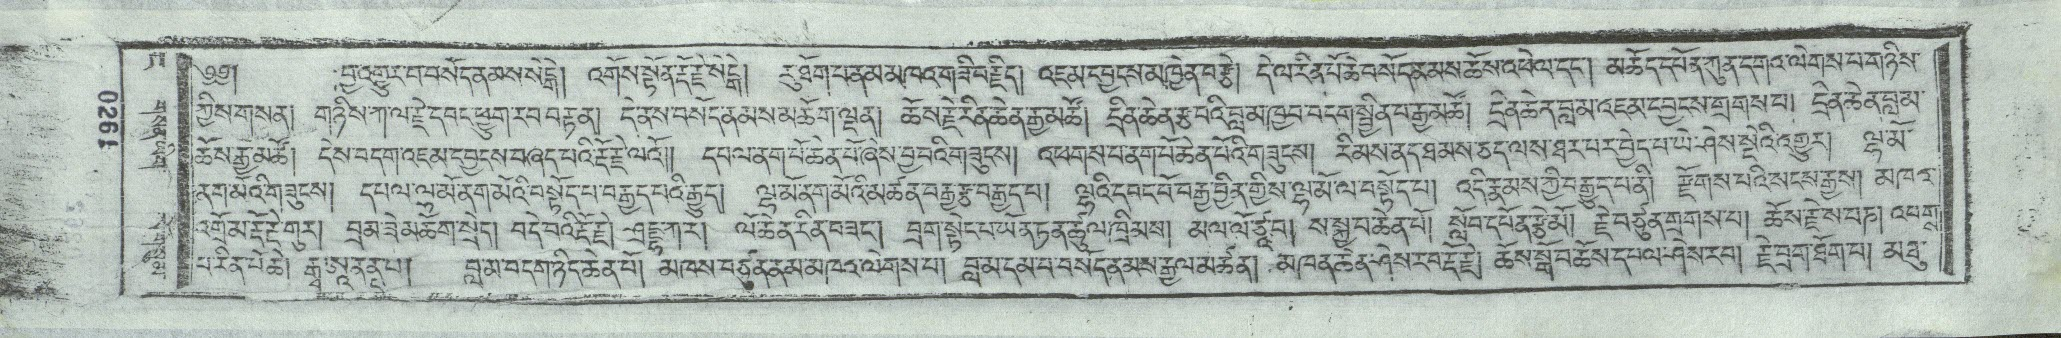༄༅། །?  འགྱུར་བ་བསོད་ནམས་སེངྒེ། དགོས་སྟོན་རྡོ་རྗེ་སེངྒེ། དུ་ཐོག?་ནམ་མཁའ་གིས་བརྗིད། འཇམ་དབྱངས་མཁྱེན་བརྩེ། དེ་ལ་རིན་པོ་ཆེ་བསོད་ནམས་ཆོས་འཕེལ་དང་། མཆོད་དཔོན་ཀུན་དགའ་ལེགས་པ་གཉིས་
ཀྱིས་གསན། གཉིས་ཀ་ལ་རྗེ་དབང་ཕྱུག་རབ་བརྟེན། དེ་ནས་བསོད་ནམས་མཆོག་ལྡན། ཆོས་རྗེ་རིན་ཆེན་རྒྱ་མཚོ། དྲིན་ཆེན་རྩ་བའི་སྙ་མ་ཁྱབ་བདག་སྦྱིན་པ་རྒྱ་མཚོ། དྲིན་ཆེན་བླ་མ་འཇམ་དབྱངས་གྲགས་པ། དྲིན་ཆེན་བླ་མ་
ཆོས་རྒྱ་མཚོ། དེས་བདག་འཇམ་དབྱངས་བཞད་པའི་རྡོ་རྗེ་ལའོ། དཔལ་ནག་པོ་ཆེན་པོ་ཞེས་བྱ་བའི་གཟུངས། འཕགས་པ་ནག་པོ་ཆེན་པོའི་གཟུངས། རིམས་ནད་ཐམས་ཅད་ལ་ཐབ?་དབྱེད་པ་ཡེ་ཤེས་སྡེའི་འགྱུར། ལྷ་མོ་
ནག་མོའི་གཟུངས། དཔལ་ལྷ་མོ་ནག་མོའི་བསྟོད་པ་བརྒྱད་པའི་རྒྱུད། ལྷ་མོ་ནག་མོའི་མཚན་བརྒྱ་རྩ་བརྒྱད་པ། ལྷའི་དབང་པོ་བརྒྱ་ཕྱིན་གྱིས་ལྷ་མོ་ས་བསྟོད་པ། འདི་རྣམས་ཀྱི་བརྒྱུད་པ་ནི། རྫོགས་པའི་སངས་རྒྱས། མཁའ་
འགྲོ་མ་རྡོ་རྗེ་གུར། བྲམ་ཟེ་མཆོག་སྲེད། བདེ་བའི་རྡོ་རྗེ། ཤྲདྡྷ་ཀ་ར། ལོ་ཆེན་རིན་བཟང་། བརྟག་སྟེང་བ་ཡོན་ཏན་ཚུལ་ཁྲིམས། མལ་ལོ་ཙཱ་བ། ས་སྐྱ་བ་ཆེན་པོ། སློབ་དཔོན་རྩེ་མོ། རྗེ་བཙུན་གྲགས་པ། ཆོས་རྗེ་ས་པཎ། འཕགས་
པ་རིན་པོ་ཆེ། རྒྭ་ཨཱ་ནནྡ་པ། བླ་མ་བདག་ཉིད་ཆེན་པོ། མཁས་བཙུན་ནམ་མཁའ་ལེགས་པ། བླ་མ་དམ་པ་བསོད་ནམས་རྒྱལ་མཚན། མཁན་ཆེན་ཤེས་རབ་རྡོ་རྗེ། ཆོས་སྒོ་བ་ཆོས་དཔལ་ཤེས་རབ། རྗེ་བྲག་ཐོག་པ། མཐུ་